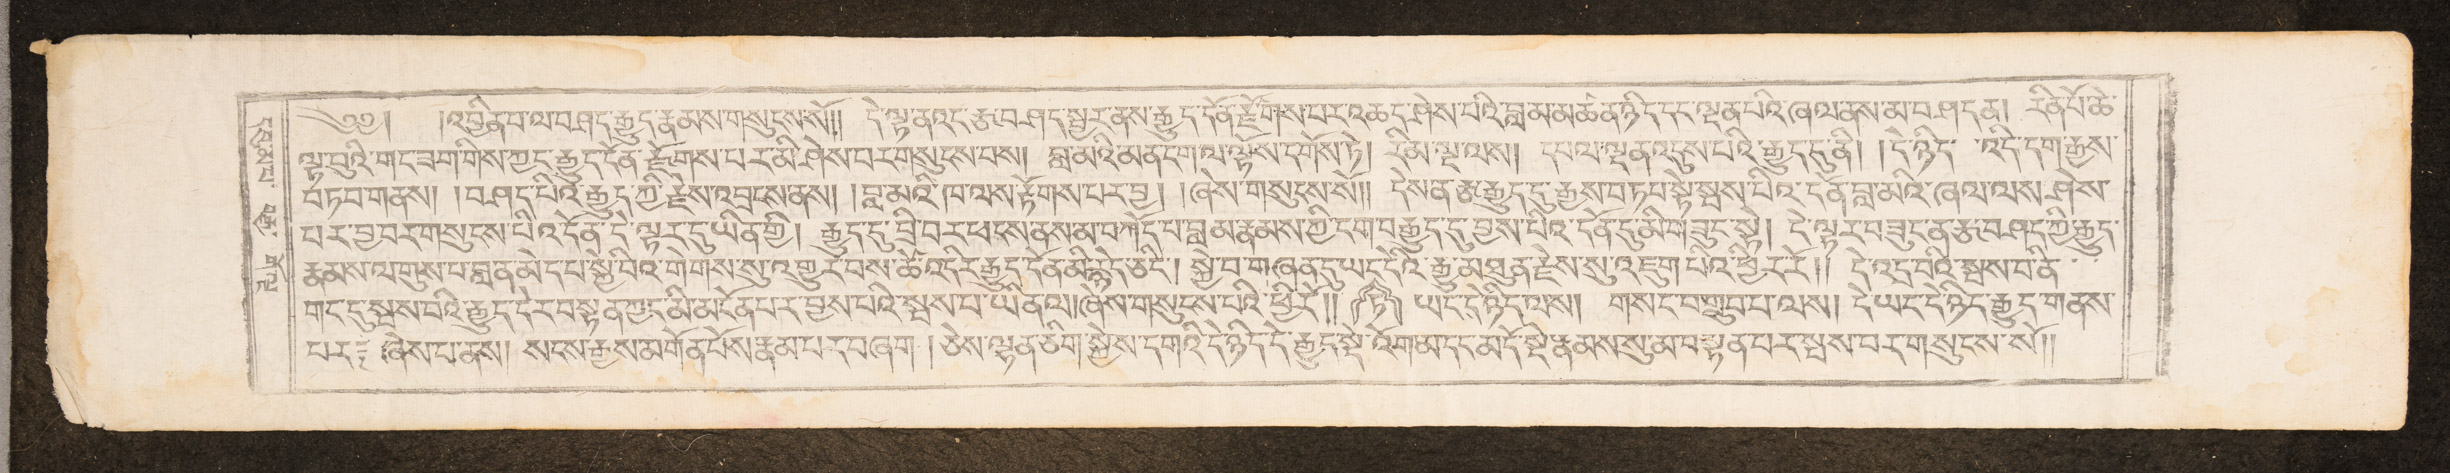༄༅། །འབྱིན་པ་ལ་བཤད་རྒྱུད་རྣམས་གསུངས་སོ།། དེ་ལྟ་ནའང་རྩ་བཤད་སྦྱར་ནས་རྒྱུད་དོན་རྫོགས་པར་འཆད་ཤེས་པའི་བླ་མ་མཚན་ཉིད་དང་ལྡན་པའི་ཞལ་ནས་མ་བཤད་ན། རིན་པོ་ཆེ་
ལྟ་བུའི་གང་ཟག་གིས་ཀྱང་རྒྱུད་དོན་རྫོགས་པར་མི་ཤེས་པར་གསུངས་པས། བླ་མའི་མན་ངག་ལ་ལྟོས་དགོས་ཏེ། རིམ་ལྔ་ལས། དཔལ་ལྡན་འདུས་པའི་རྒྱུད་དུ་ནི། །དེ་ཉིད་འདི་དག་རྒྱས་
བཏབ་གནས། །བཤད་པའི་རྒྱུད་ཀྱི་རྗེས་འབྲངས་ནས། །བླ་མའི་ཁ་ལས་རྟོགས་པར་བྱ། །ཞེས་གསུངས་སོ།། དེས་ན་རྩ་རྒྱུད་དུ་རྒྱས་བཏབ་སྟེ་སྦས་པའི་དོན་བླ་མའི་ཞལ་ལས་ཤེས་
པར་བྱ་བར་གསུངས་པའི་དོན་དེ་ལྟར་དུ་ཡིན་གྱི། རྒྱུད་དུ་བྲི་བར་ཕངས་ནས་མ་བཀོད་པ་བླ་མ་རྣམས་ཀྱི་ངག་བརྒྱུད་དུ་བྱས་པའི་དོན་དུ་མི་གཟུང་སྟེ། དེ་ལྟར་བཟུང་ན་རྩ་བཤད་ཀྱི་རྒྱུད་
རྣམས་ལ་གུས་པ་བླ་ན་མེད་པ་སྐྱེ་བའི་གེགས་སུ་འགྱུར་བས་ཚེ་འདིར་རྒྱུད་དོན་མི་རྙེད་ཅིང་། སྐྱེ་བ་གཞན་དུ་ཡང་དེའི་རྒྱུ་མཐུན་རྗེས་སུ་འཇུག་པའི་ཕྱིར་རོ། །དེ་འདྲ་བའི་སྦས་པ་ནི་
གང་དུ་སྦས་པའི་རྒྱུད་དེར་བསྟན་ཀྱང་མི་མངོན་པར་བྱས་པའི་སྦས་པ་ཡིན་ལ། ཞེས་གསུངས་པའི་ཕྱིར་རོ།། ༼༽ཏ༼༽ ཡང་དེ་ཉིད་ལས། གསང་བ་གྲུབ་པ་ལས། དེ་ཡང་དེ་ཉིད་རྒྱུད་གནས་
པར༑ ཞེས་པ་ནས། སངས་རྒྱས་མགོན་པོས་རྣམ་པར་བཞག །ཅེས་ལྷན་ཅིག་སྐྱེས་དགའི་དེ་ཉིད་དེ་རྒྱུད་སྡེ་འོག་མ་དང་མདོ་སྡེ་རྣམས་སུ་མ་བསྟན་པར་སྤས་བར་གསུངས་སོ།།